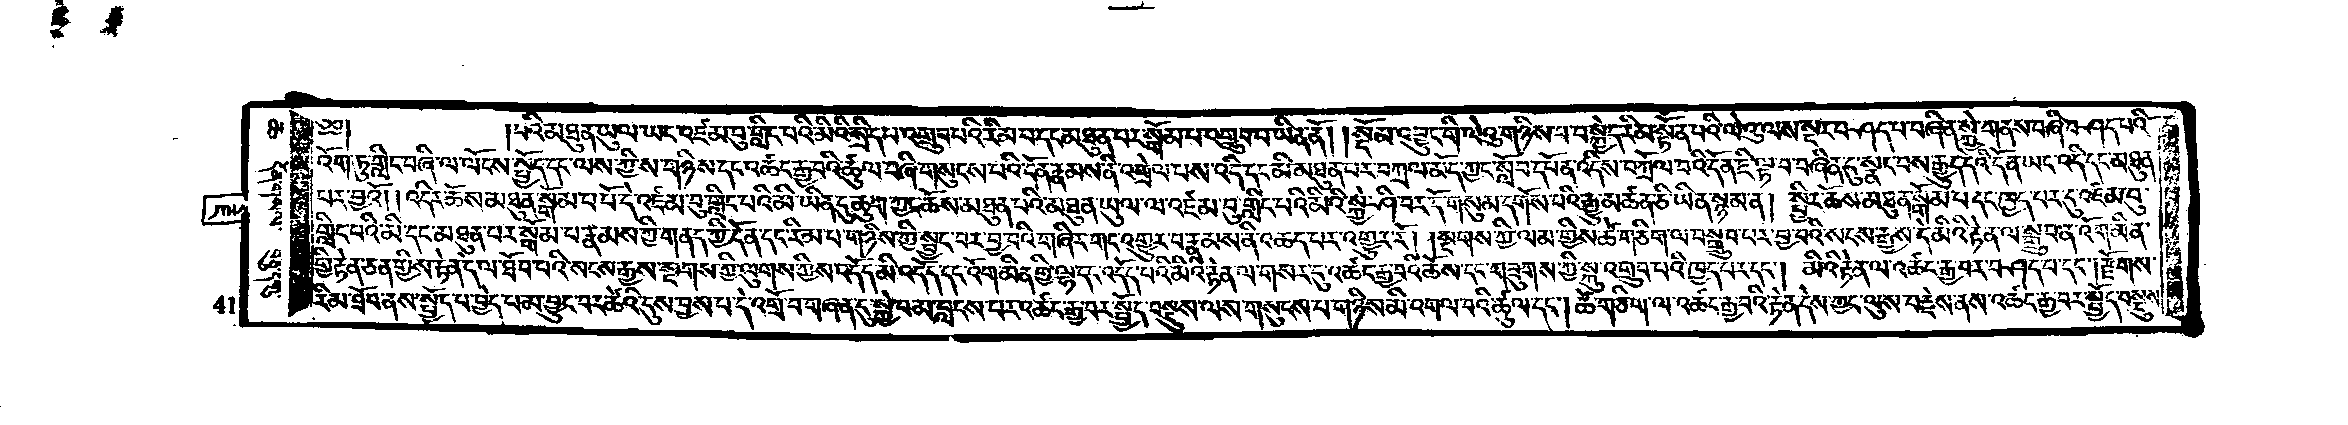༄༅། །པའི་མཐུན་ཡུལ་ཡང་འཛམ་བུ་གླིང་པའི་མིའི་སྲིད་པ་འགྲུབ་པའི་རིམ་པ་དང་མཐུན་པར་སྒོམ་པ་འགྲུབ་པ་ཡིན་ནོ། །སྡོམ་འབྱུང་གི་ལེའུ་གཉིས་པ་བསྐྱེད་རིམ་སྟོན་པའི་ལེའུ་ལས་སྔར་བཤད་པ་བཞིན་སྐྱེ་གནས་བཞི་བཤད་པའི་
འོག་ཏུ་གླིང་བཞི་ལ་ལོངས་སྤྱོད་དང་ལས་ཀྱི་ས་གཉིས་དང་འཚང་རྒྱ་བའི་ཚུལ་བཞི་གསུངས་པའི་དོན་རྣམས་ནི་འགྲེལ་པས་འདི་དང་མི་མཐུན་པར་བཀྲལ་མོད་ཀྱང་སློབ་དཔོན་འདིས་བཀྲོལ་བའི་དོན་ཇི་ལྟ་བ་བཞིན་དུ་སྣང་བས་རྒྱུད་དེའི་དོན་ཡང་འདི་དང་མཐུན་
པར་བྱའོ། །འདིར་ཆོས་མཐུན་སྒོམ་པ་པོ་དེ་འཛམ་བུ་གླིང་པའི་མི་ཡིན་དུ་ཆུག་ཀྱང་ཆོས་མཐུན་པའི་མཐུན་ཡུལ་ལ་འཛམ་བུ་གླིང་པའི་མིའི་སྐྱེ་ཤི་བར་དོ་གསུམ་དགོས་པའི་རྒྱུ་མཚན་ཅི་ཡིན་སྙམ་ན། སྤྱིར་ཆོས་མཐུན་སྒོམ་པ་དང་ཁྱད་པར་དུ་འཛམ་བུ་
གླིང་པའི་མི་དང་མཐུན་པར་སྒོམ་པ་རྣམས་ཀྱི་གནད་ཀྱི་དོན་དང་རིམ་པ་གཉིས་ཀྱི་སྦྱང་བར་བྱ་བའི་གཞིར་གང་འགྱུར་བ་རྣམས་ནི་འཆད་པར་འགྱུར་རོ། །སྔགས་ཀྱི་ལམ་གྱིས་ཚེ་གཅིག་ལ་བསྒྲུབ་པར་བྱ་བའི་སངས་རྒྱས་དེ་མིའི་རྟེན་ལ་སྒྲུབ་ན་འོག་མིན་
གྱི་རྟེན་ཅན་གྱིས་རྟེན་དེ་ལ་ཐོབ་པའི་སངས་རྒྱས་སྔགས་ཀྱི་ལུགས་ཀྱིས་འདོད་མི་འདོད་དང་འོག་མིན་གྱི་ལྷ་དང་འདོད་པའི་མིའི་རྟེན་ལ་གསར་དུ་འཚང་རྒྱ་བའི་ཆོས་དང་གཟུགས་ཀྱི་སྐུ་འགྲུབ་པའི་ཁྱད་པར་དང་། མིའི་རྟེན་ལ་འཚང་རྒྱ་བར་བཤད་པ་དང་། རྫོགས་
རིམ་ཐོབ་ནས་སྤྱོད་པ་བྱེད་པ་མ་བྱུང་བར་ཚེའི་དུས་བྱས་པ་དེ་འགྲོ་བ་གཞན་དུ་སྐྱེ་བ་མ་བླངས་པར་འཚང་རྒྱ་བར་སྤྱོད་བསྡུས་ལས་གསུངས་པ་གཉིས་མི་འགལ་བའི་ཚུལ་དང་། ཚེ་གཅིག་ལ་འཚང་རྒྱ་བའི་རྟེན་དེས་ཀྱང་ལུས་བརྗེས་ནས་འཚང་རྒྱ་བར་སྤྱོད་བསྡུས་